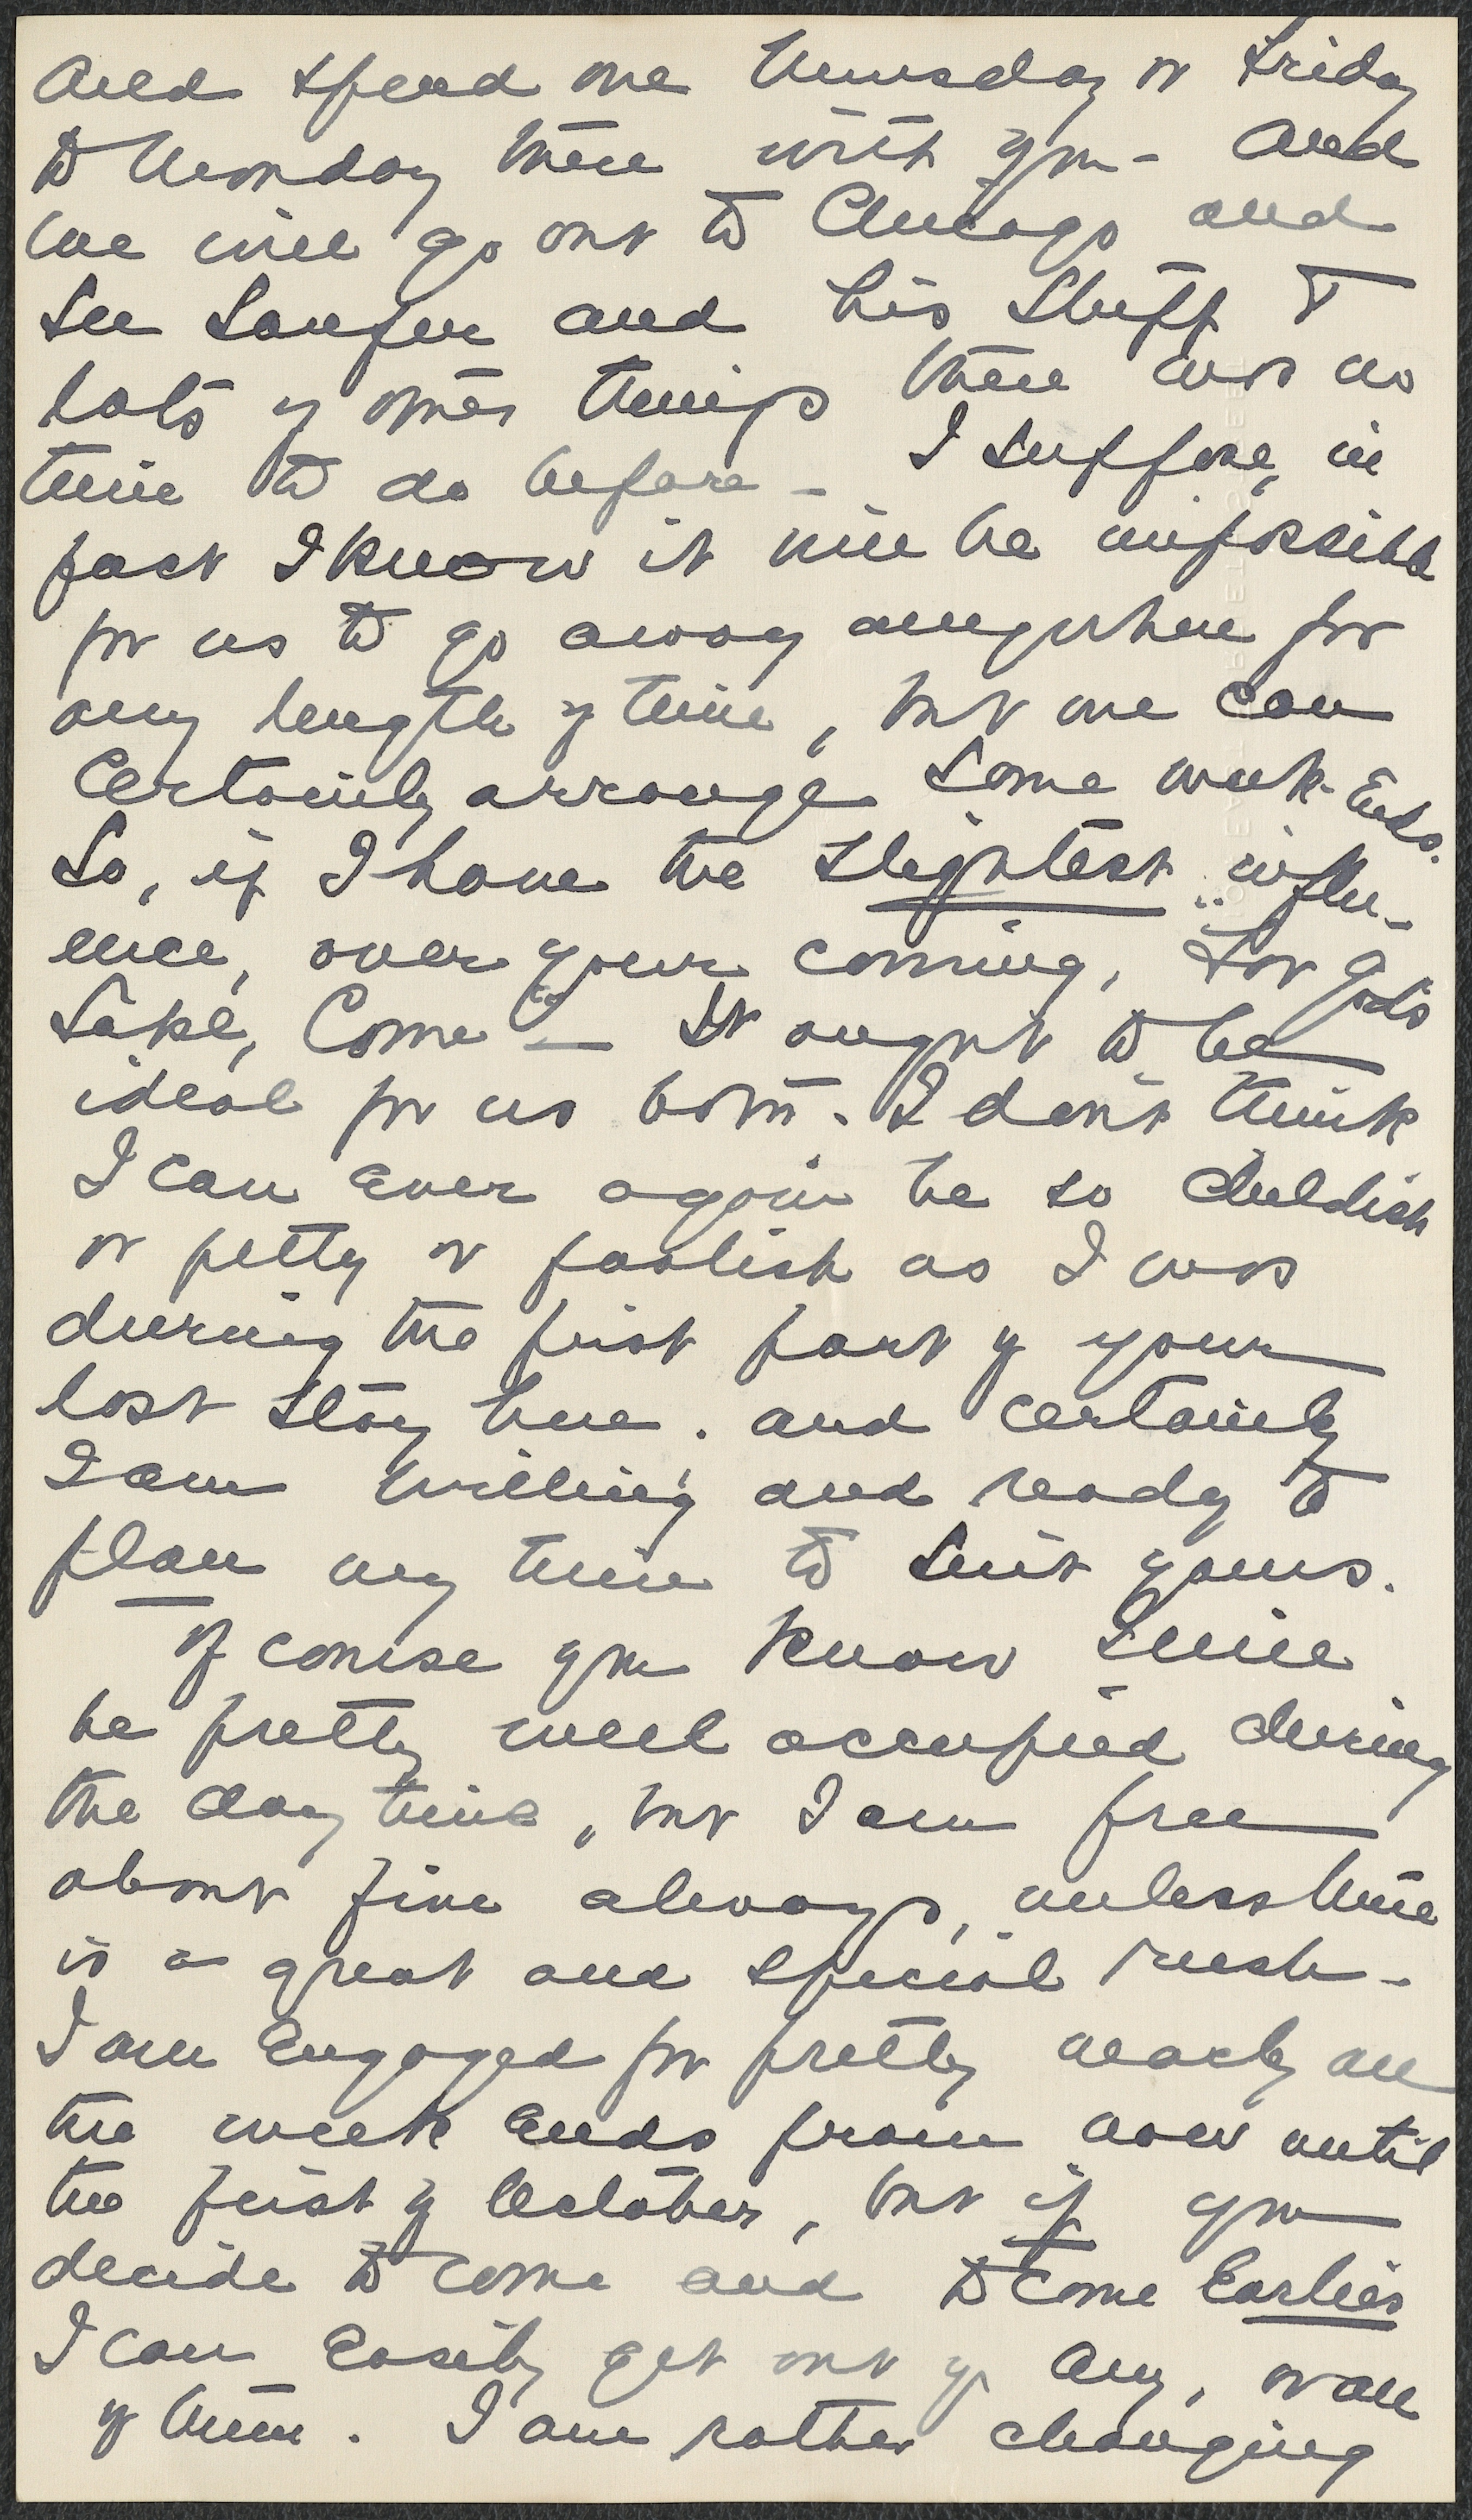and spend one Thursday or Friday to Monday there with you – And we will go out to Chicago and see Laufer and his stuff & lots of other things there was no time to do before – I suppose in fact I know it will be impossible for us to go away anywhere for any length of time, but we can certainly arrange some week-ends. So, if I have the slightest influence, over your coming, "For God's Sake, Come" – It ought to be ideal for us both – I don't think I can ever again be so childish or petty or foolish as I was during the first part of your last stay here. and certainly I am willing and ready to plan my time to suit yours.
Of course you know I will be pretty well occupied during the day time, but I am free about five always, unless there is a great and special rush – I am engaged for pretty nearly all the week ends from now until the first of October, but if you decide to come and to come earlier I can easily get out of any, or all of them – I am rather changing